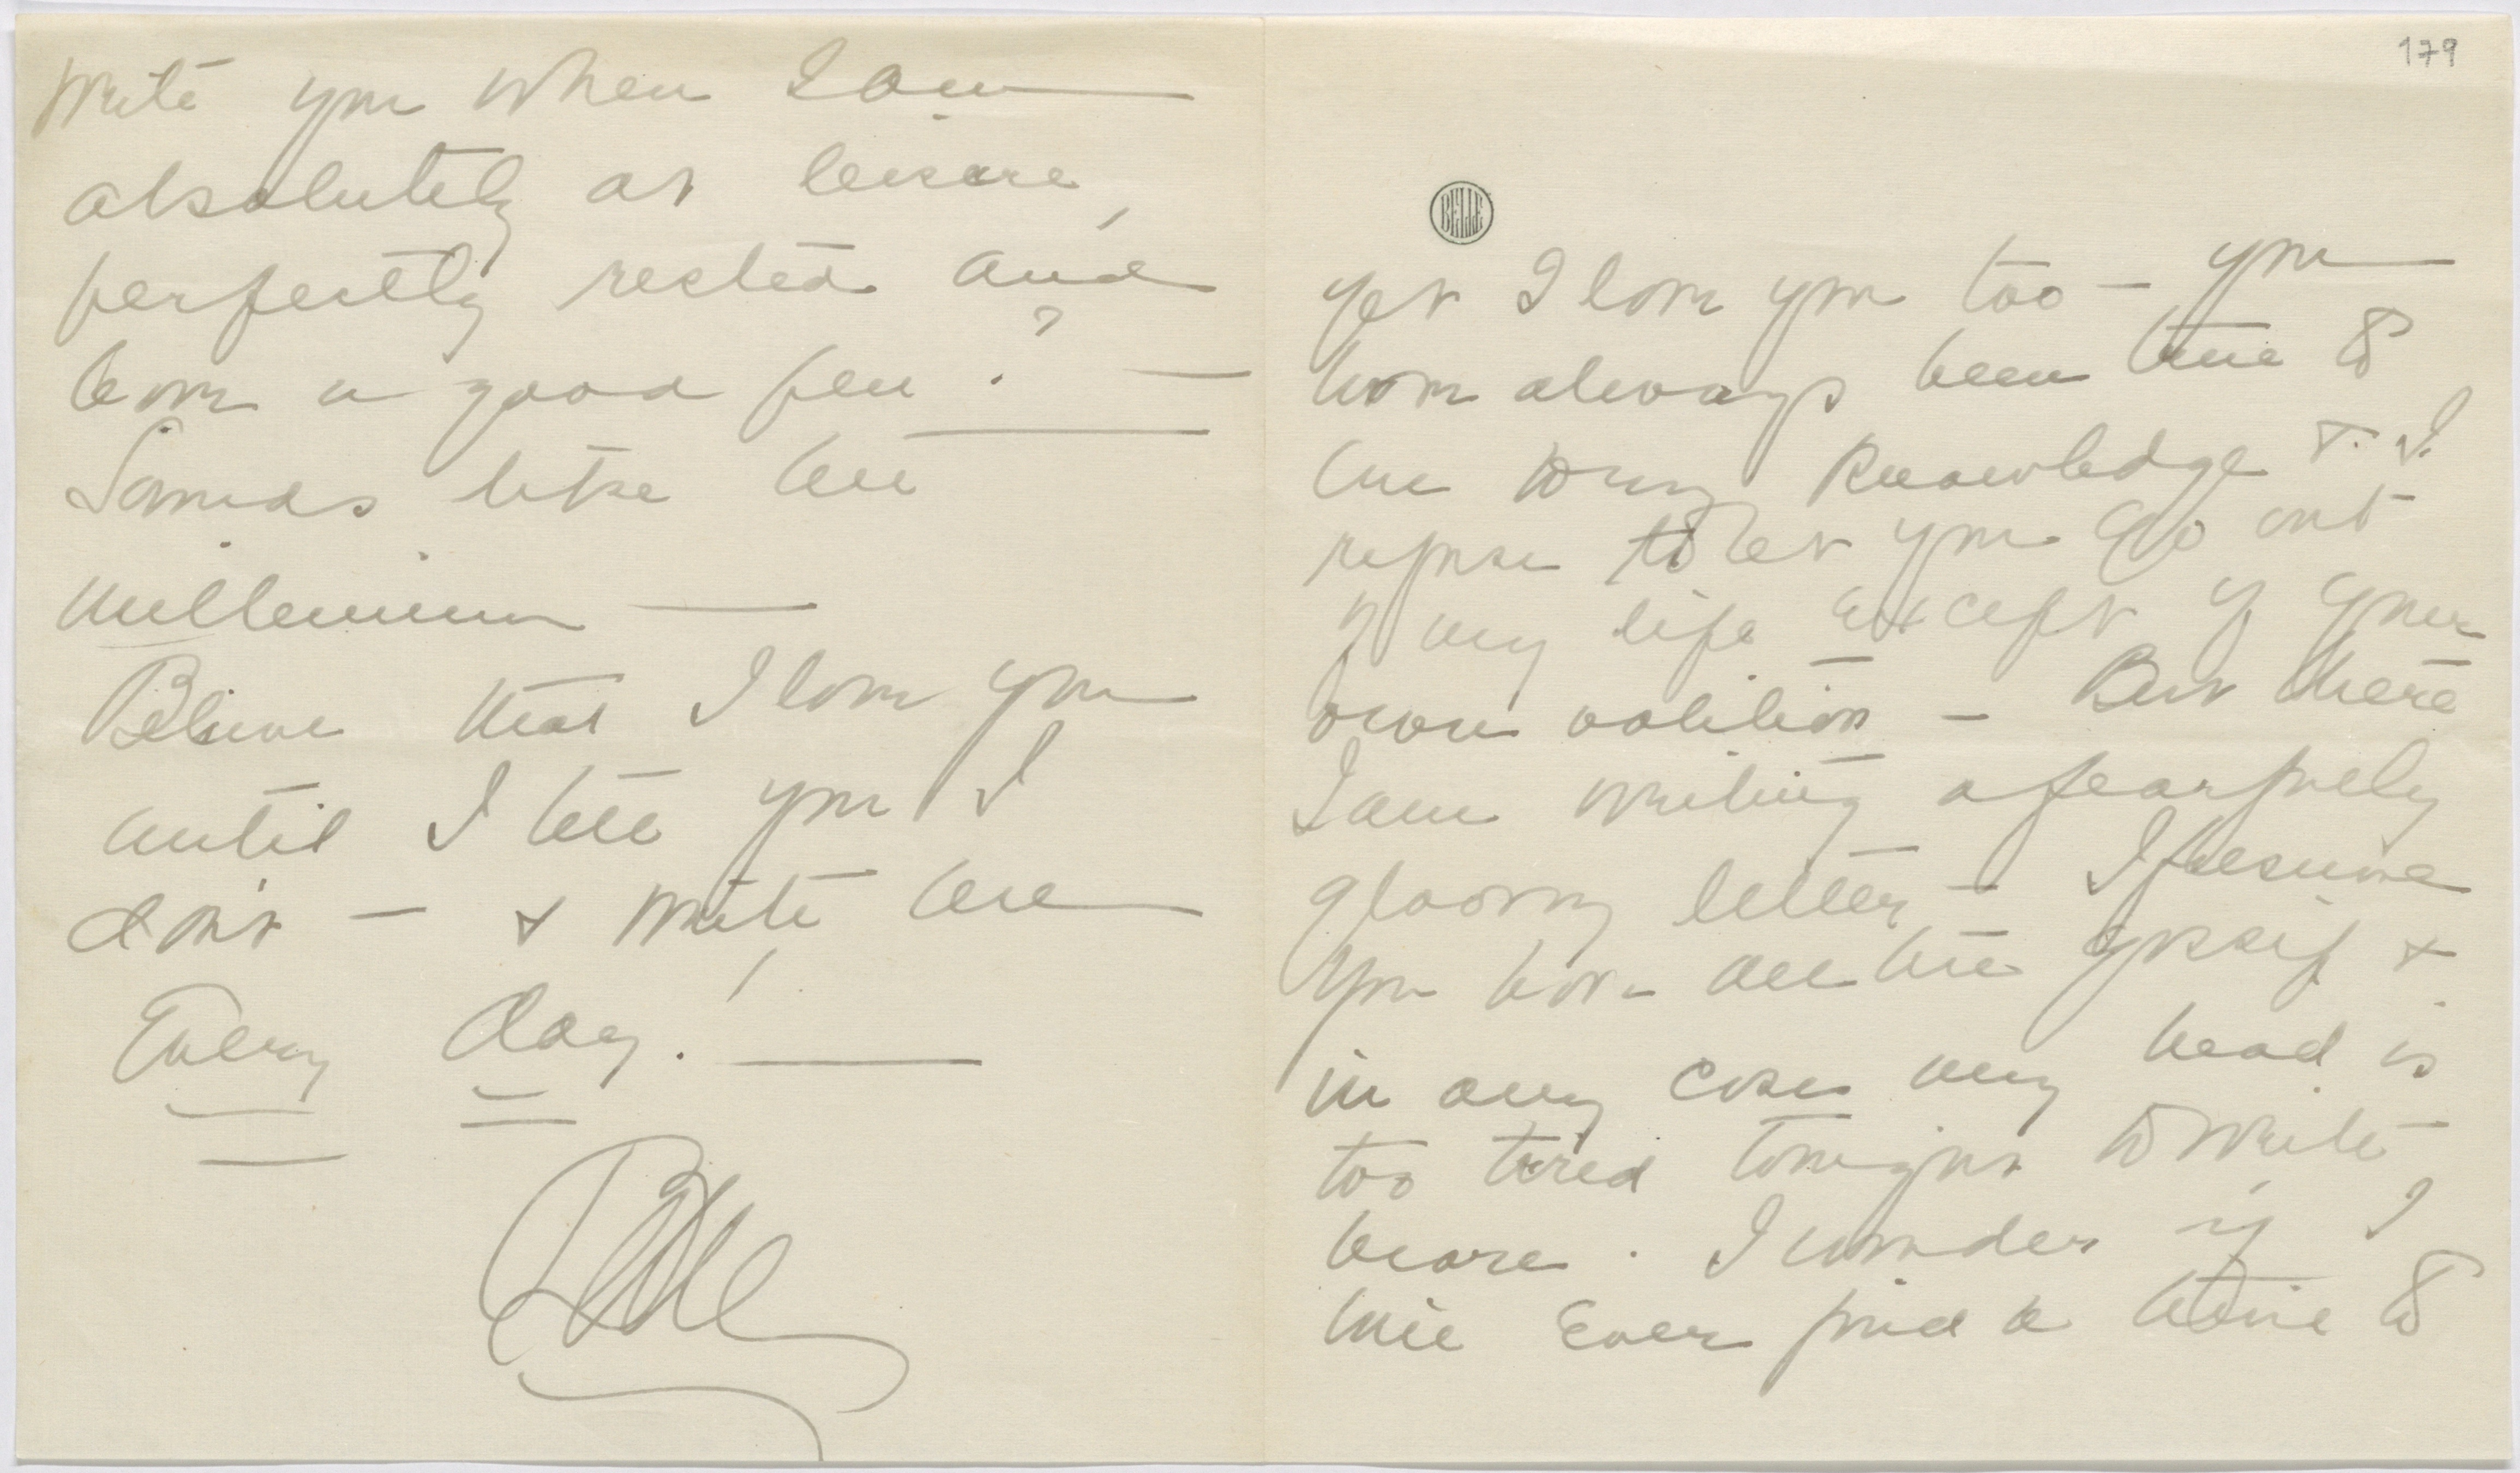yet I love you too – you have always been true to me to my knowledge & I refuse to let you go out of my life except of your own volition – But there I am writing a fearfully gloomy letter – I presume you have all the gossip & in any case my head is too tired tonight to write more. I wonder if I will ever find a time to
write you when I am absolutely at leisure, perfectly rested and have a good pen? –
Sounds like the millennium –
Believe that I love you until I tell you I don’t – & write me [double underlined: Every day]! –
Belle